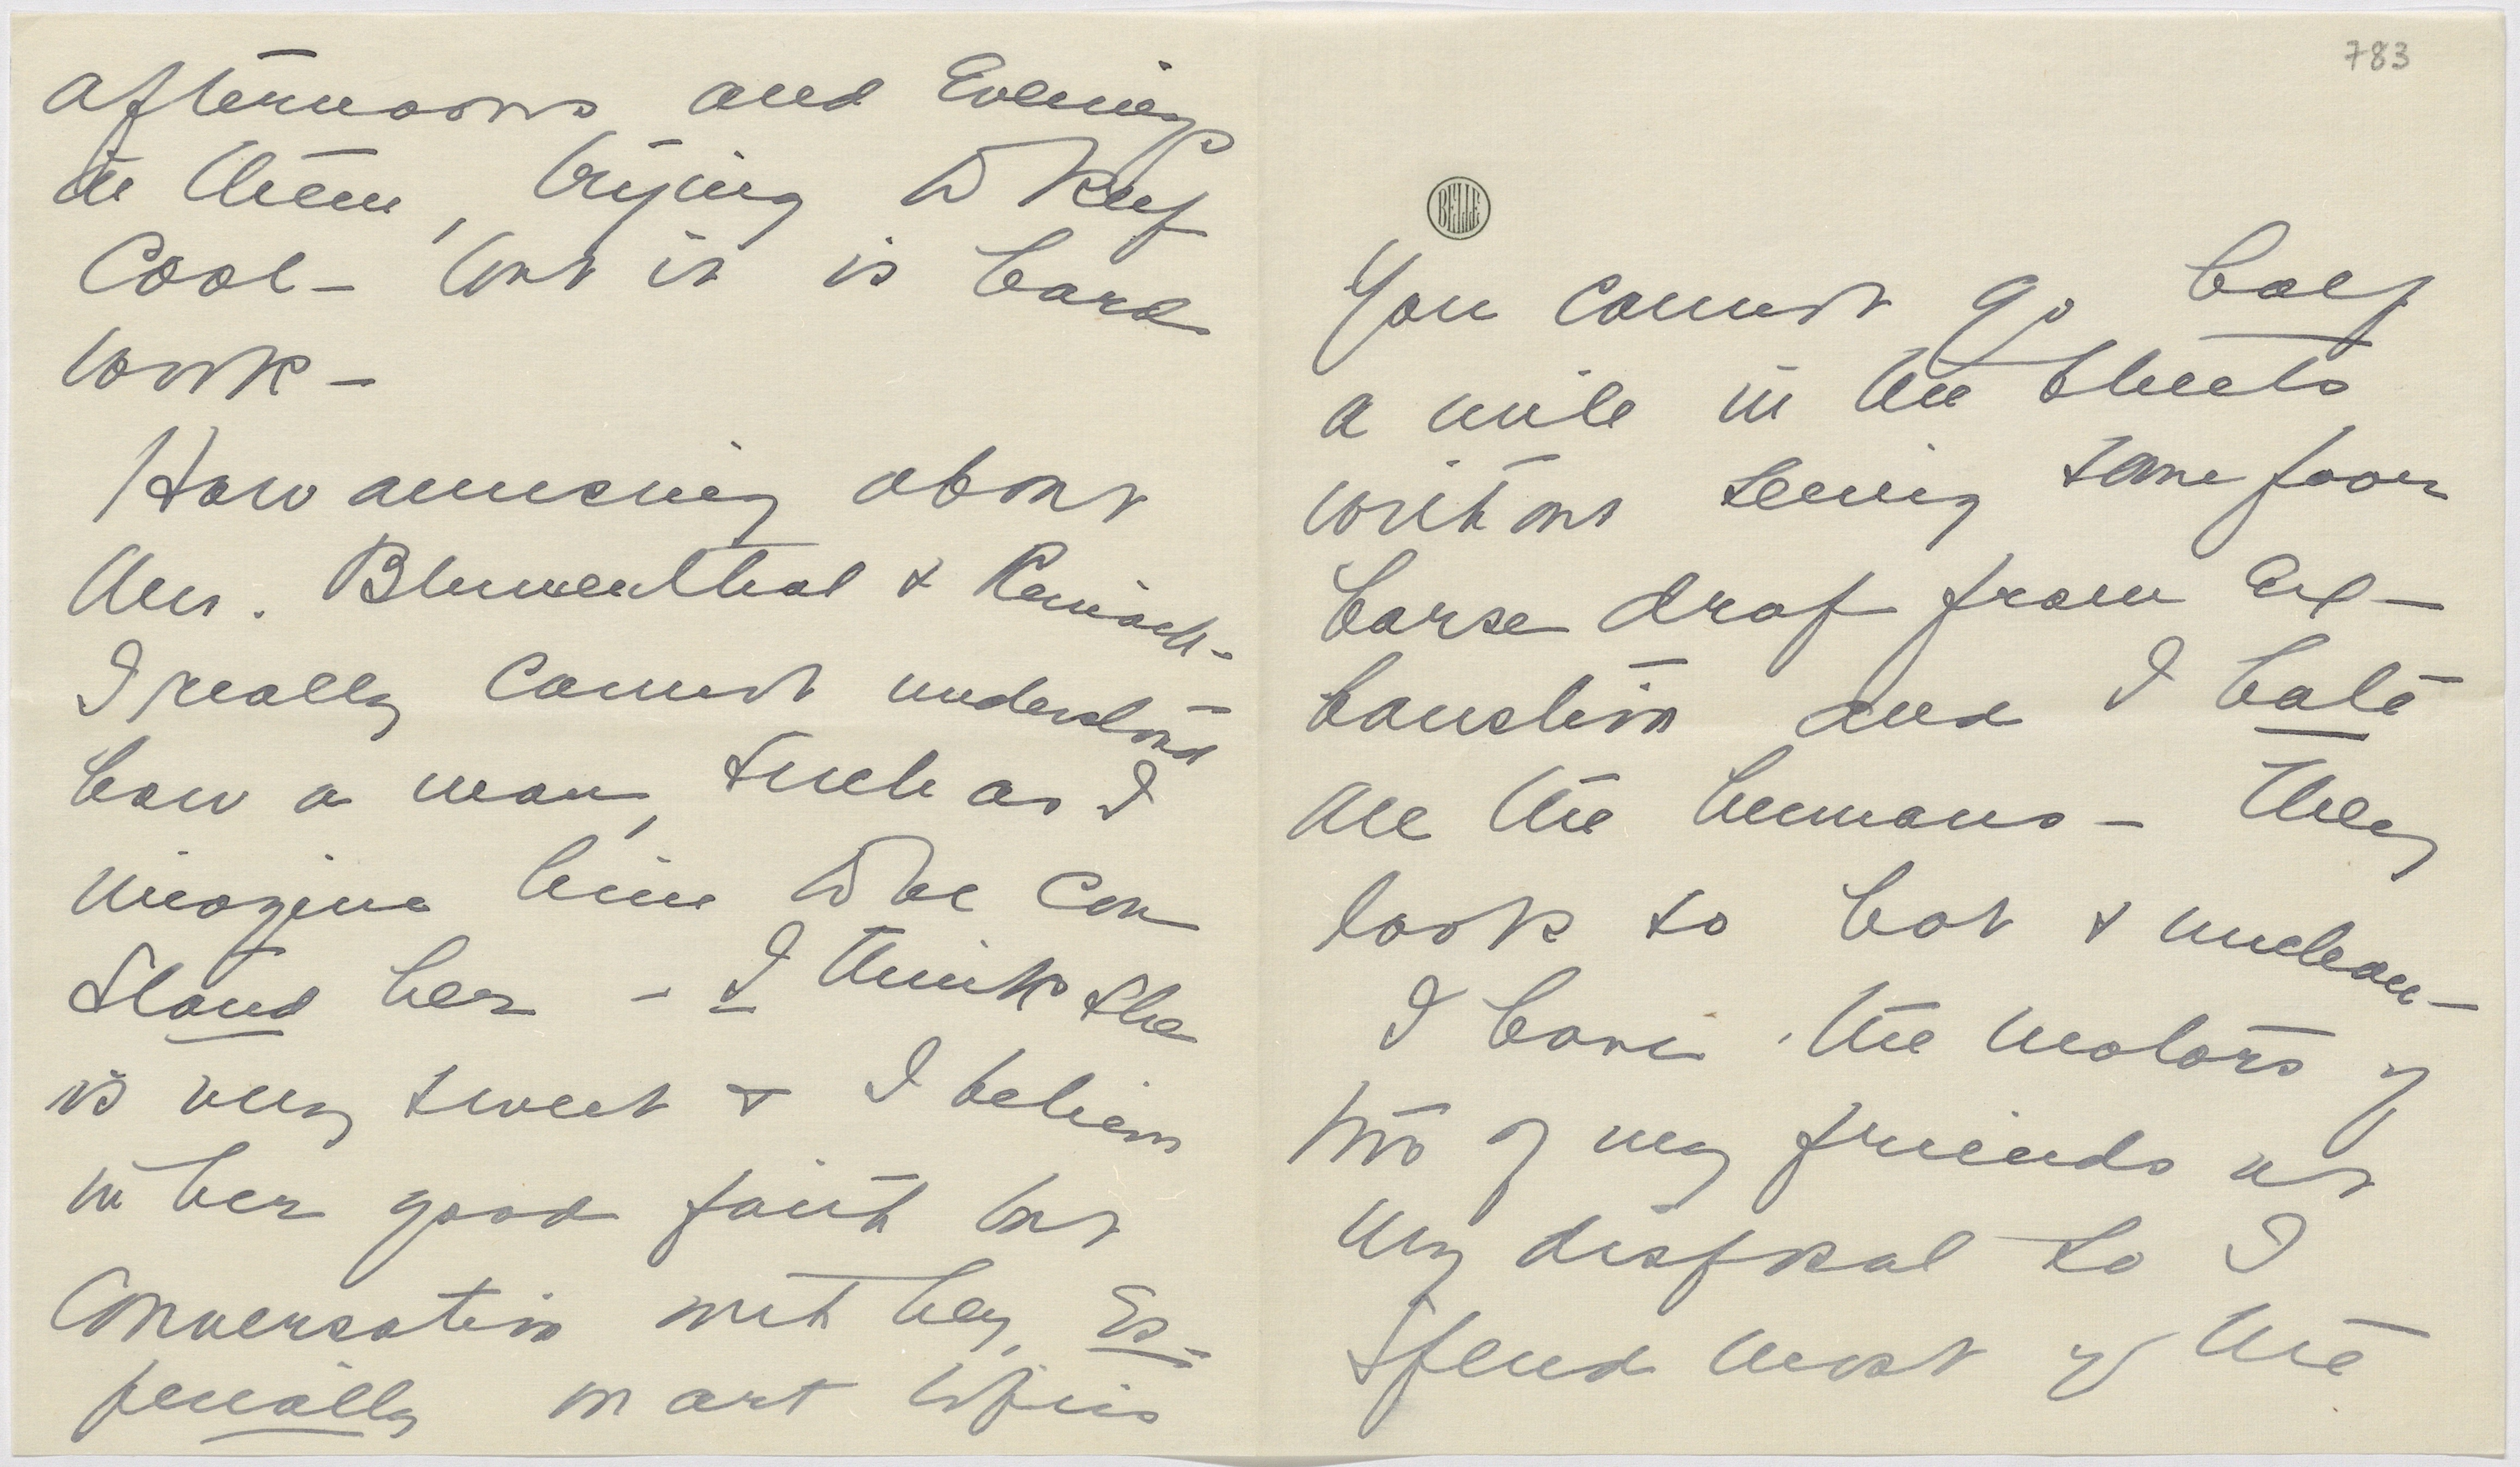You cannot go half a mile in the streets without seeing some poor horse drop from exhaustion and I hate all the humans – They look so hot & unclean –
I have the motors of two of my friends at my disposal so I spend most of the
afternoons and evenings in them, trying to keep cool – but it is hard work –
How amusing about Mrs. Blumenthal & Reinach – I really cannot understand how a man, such as I imagine him to be can stand her – I think she is very sweet & I believe in her good faith but conversation with her, especially on art topics